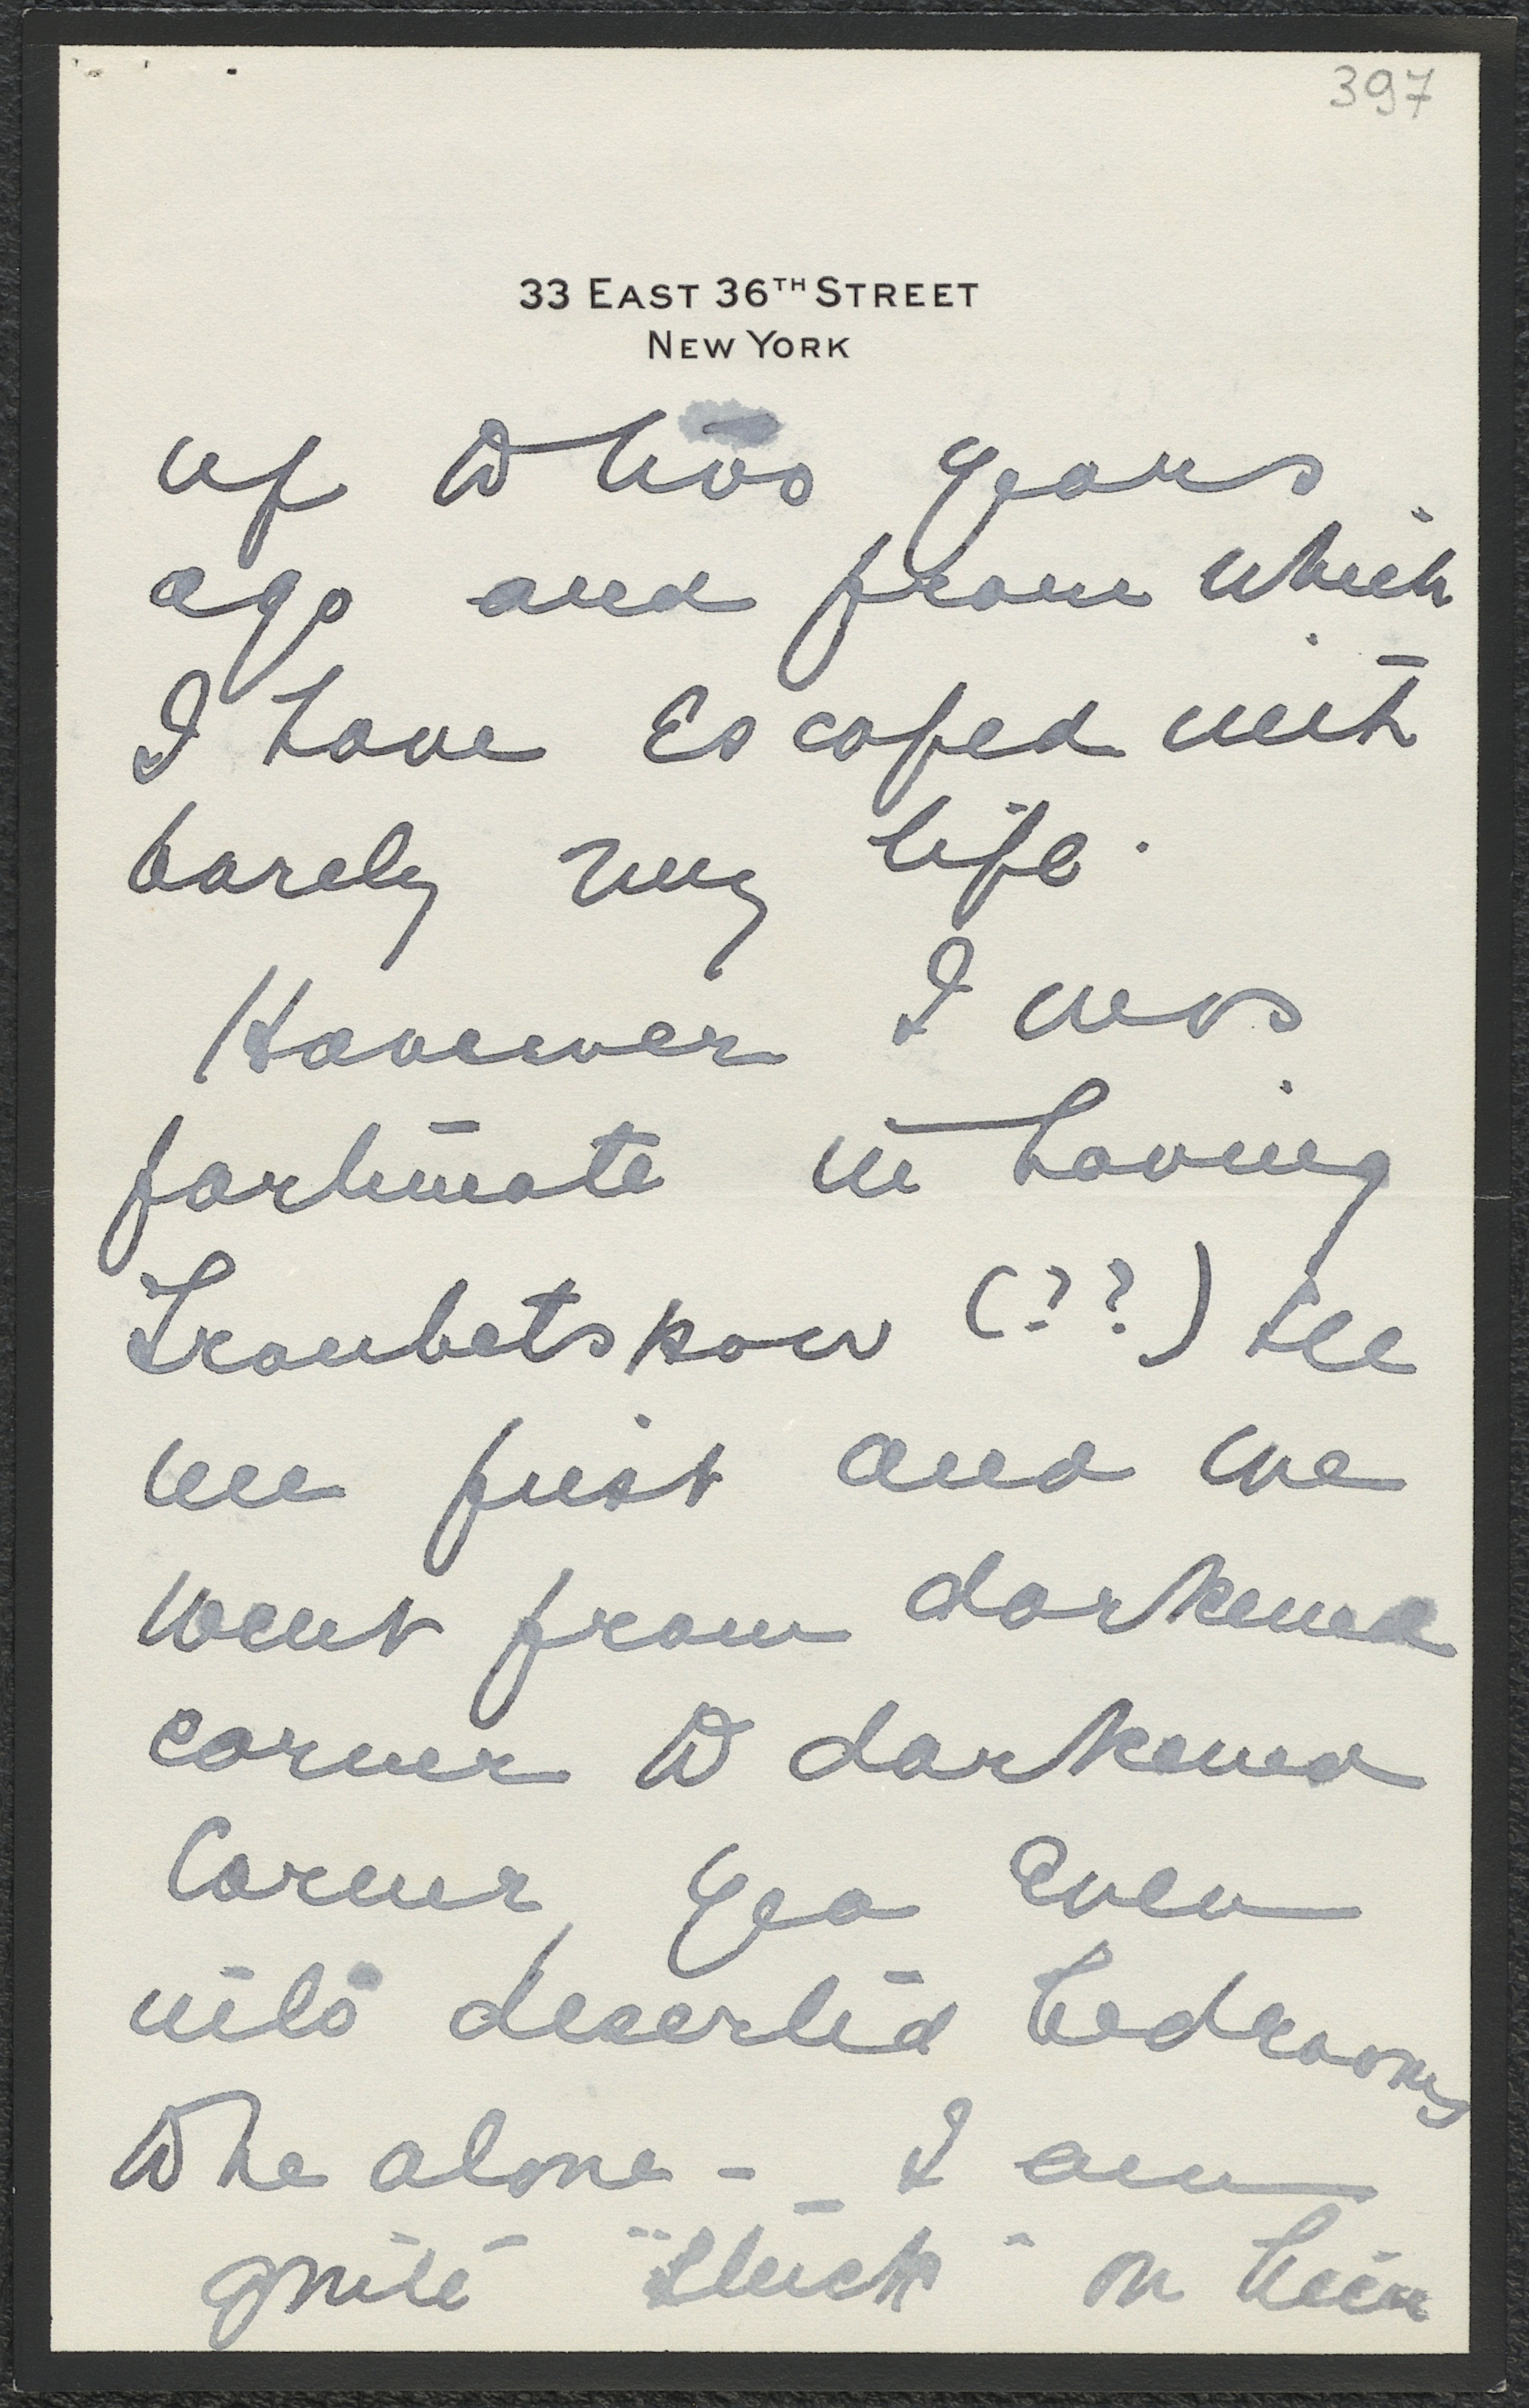up to two years ago and from which I have escaped with barely my life.
However I was fortunate in having Troubetskow (??) see me first and we went from darkened corner to darkened corner, yea even into deserted bedrooms to be alone – I am quite “stuck” on him